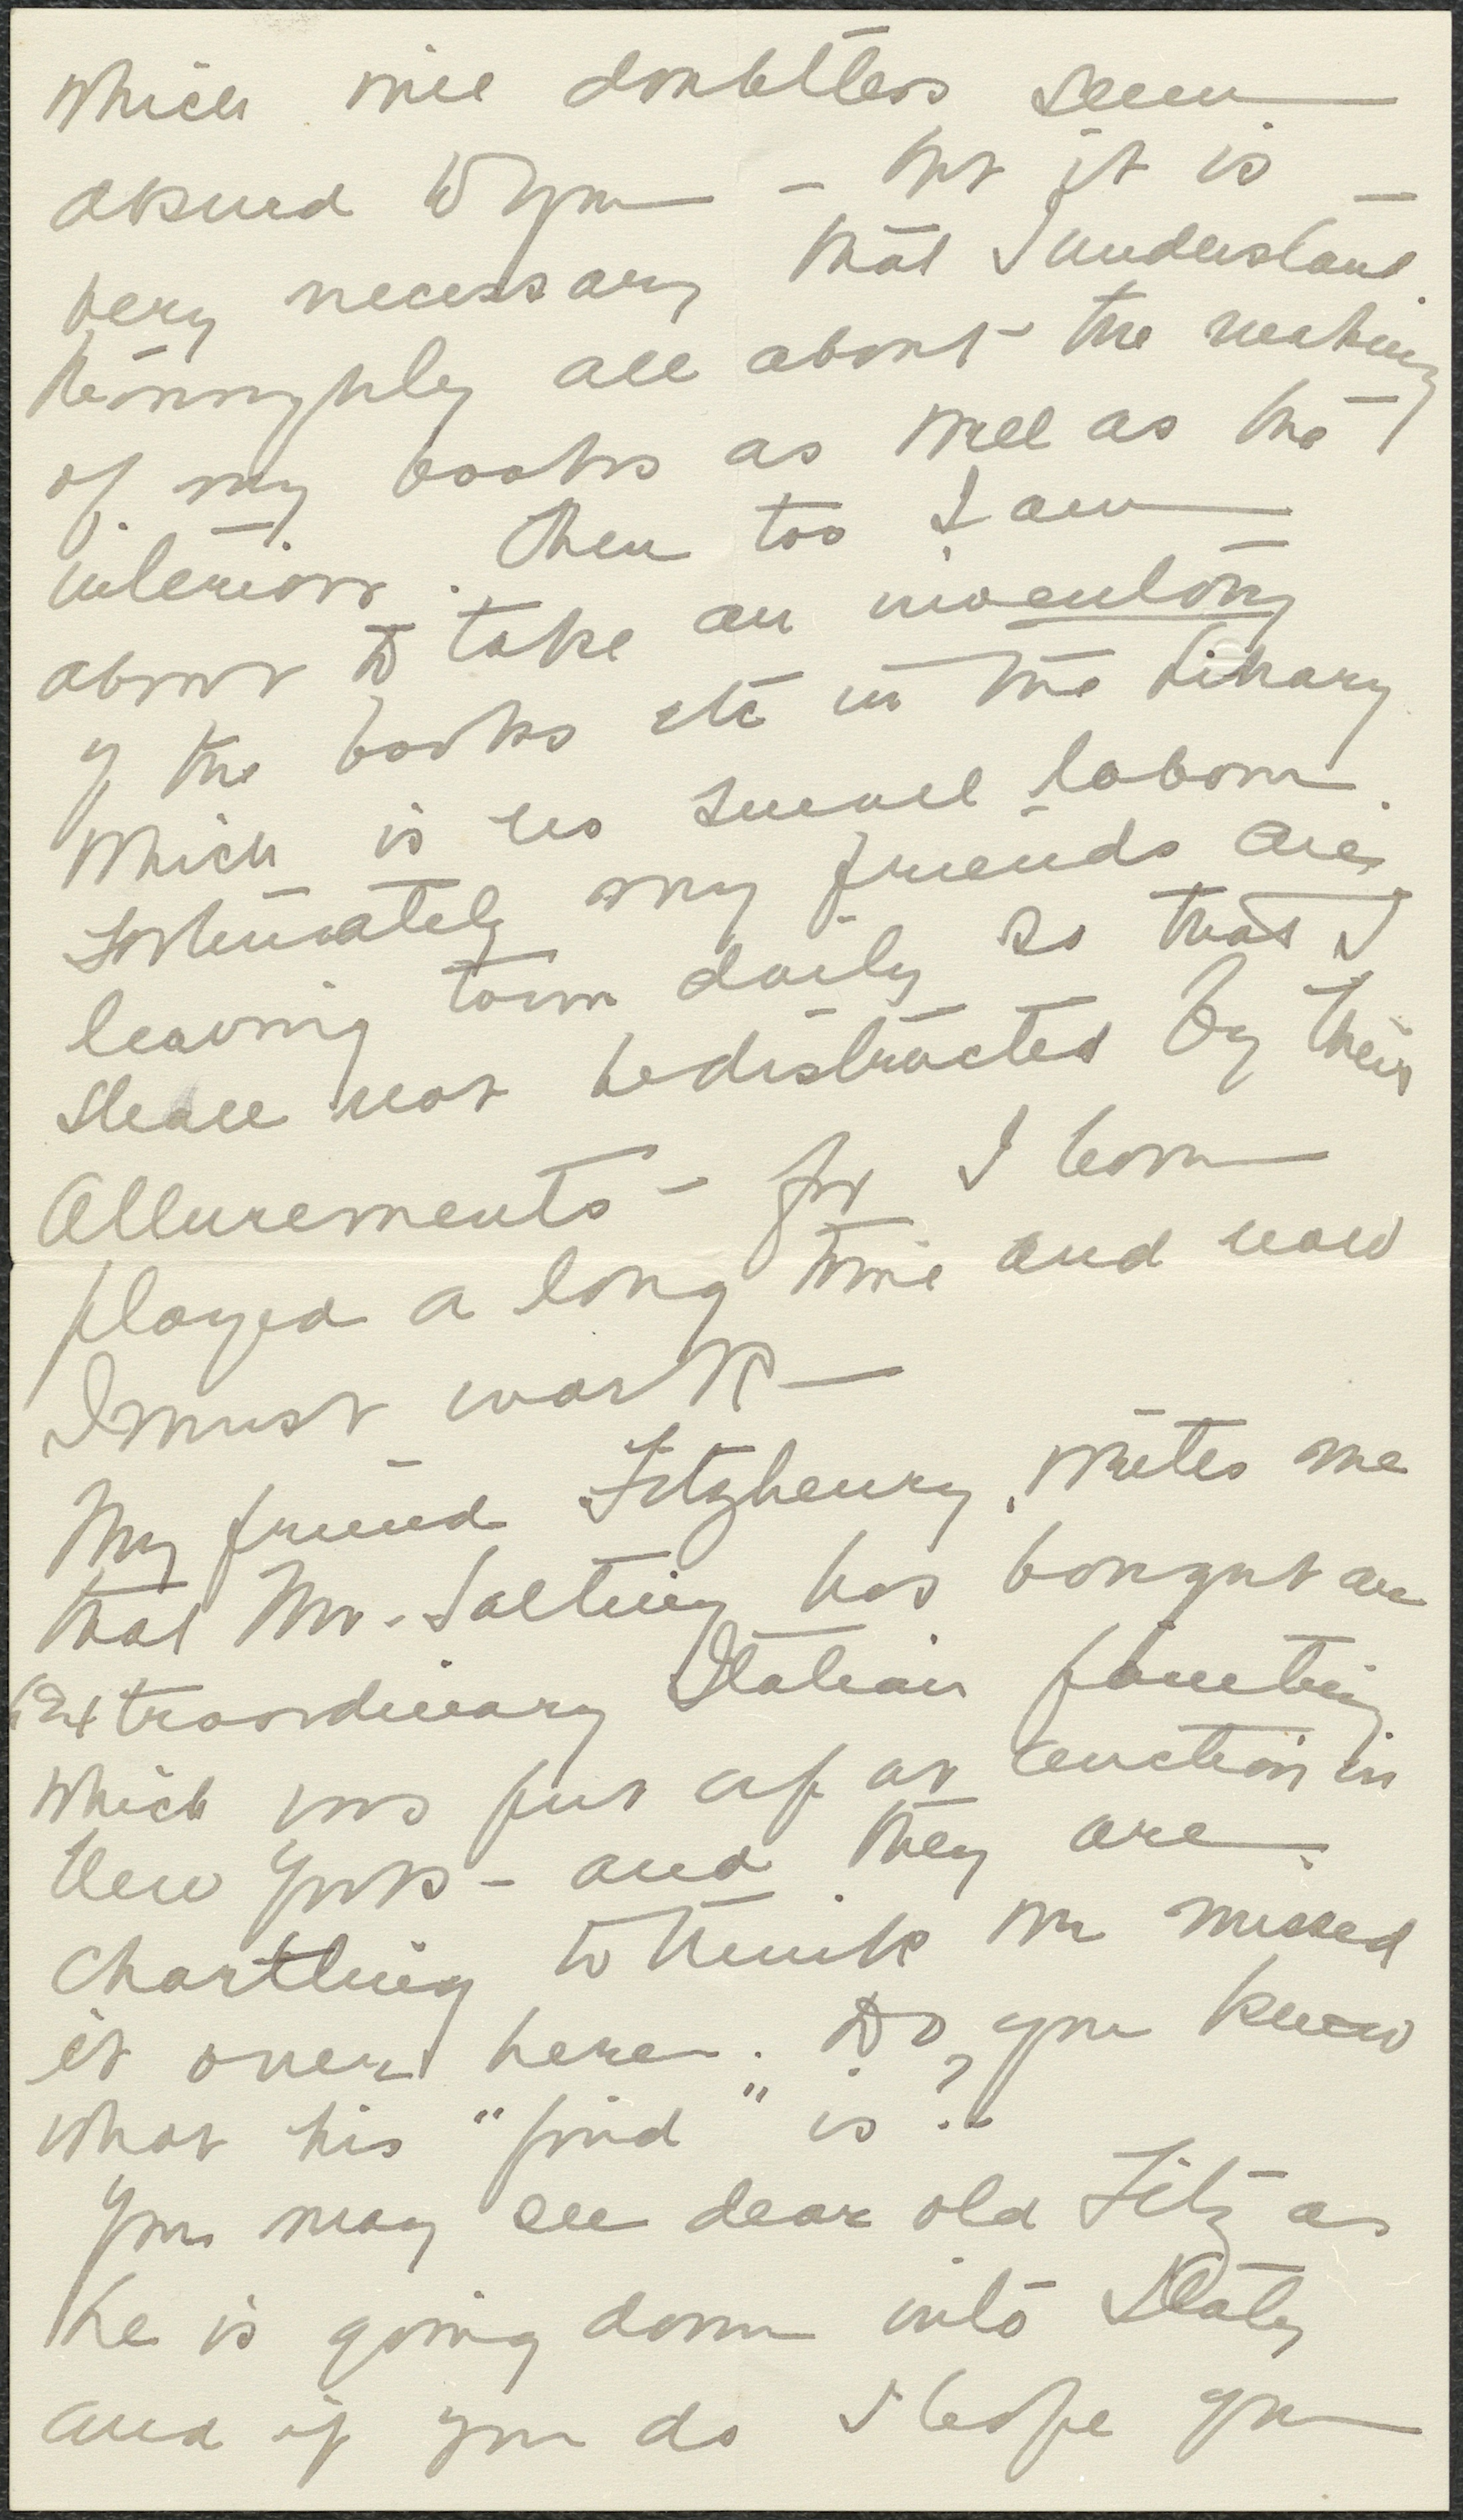which will doubtless seem absurd to you – but it is very necessary that I understand thoroughly all about the making of my books as well as the interiors. Then too I am about to take an inventory of the books etc in the Library which is no small labour. Fortunately my friends are leaving town daily so that I shall not be distracted by their allurements – for I have played a long time and now I must work –
My friend Fitzhenry writes me that Mr. Salting has bought an extraordinary Italian painting which was put up at auction in New York – and they are chortling to think we missed it over here. Do you know what his “find” is? –
You may see dear old Fitz as he is going down into Italy and if you do I hope you